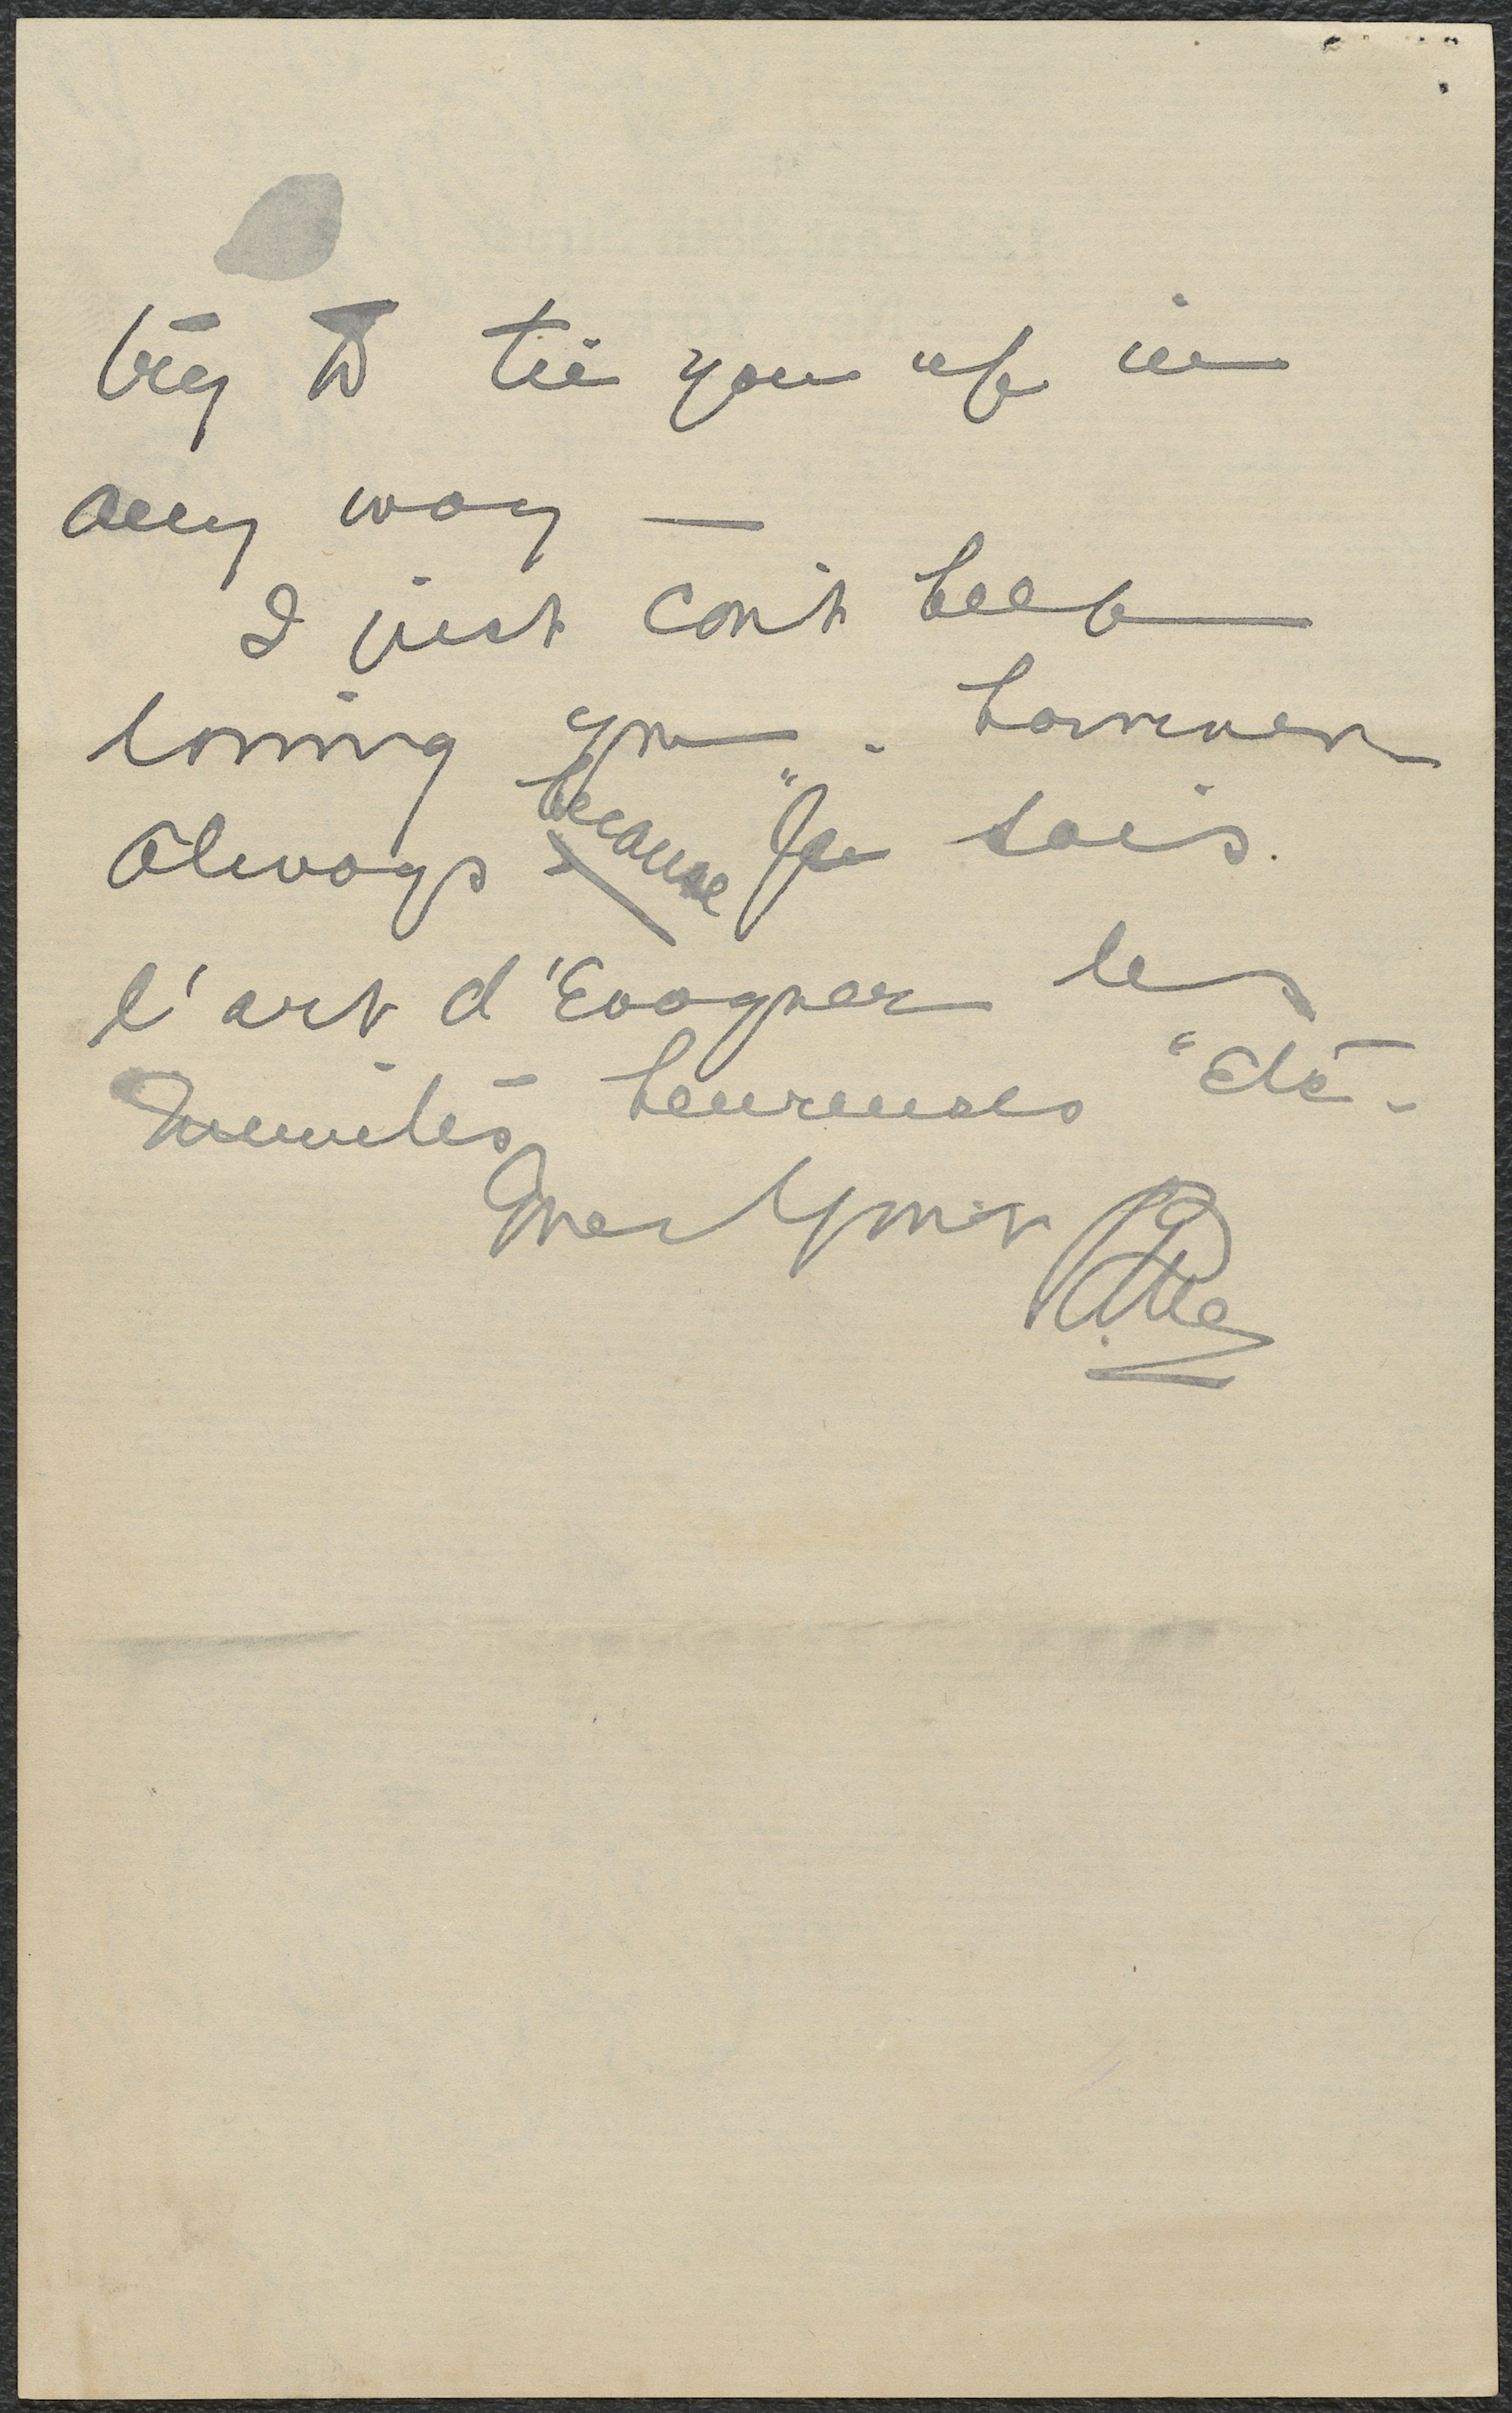try to tie you up in any way –
I just can't keep loving you. however always [^because^] "je sais l'art d'evoquer les Minutes heureuses" etc.
Ever yours Belle